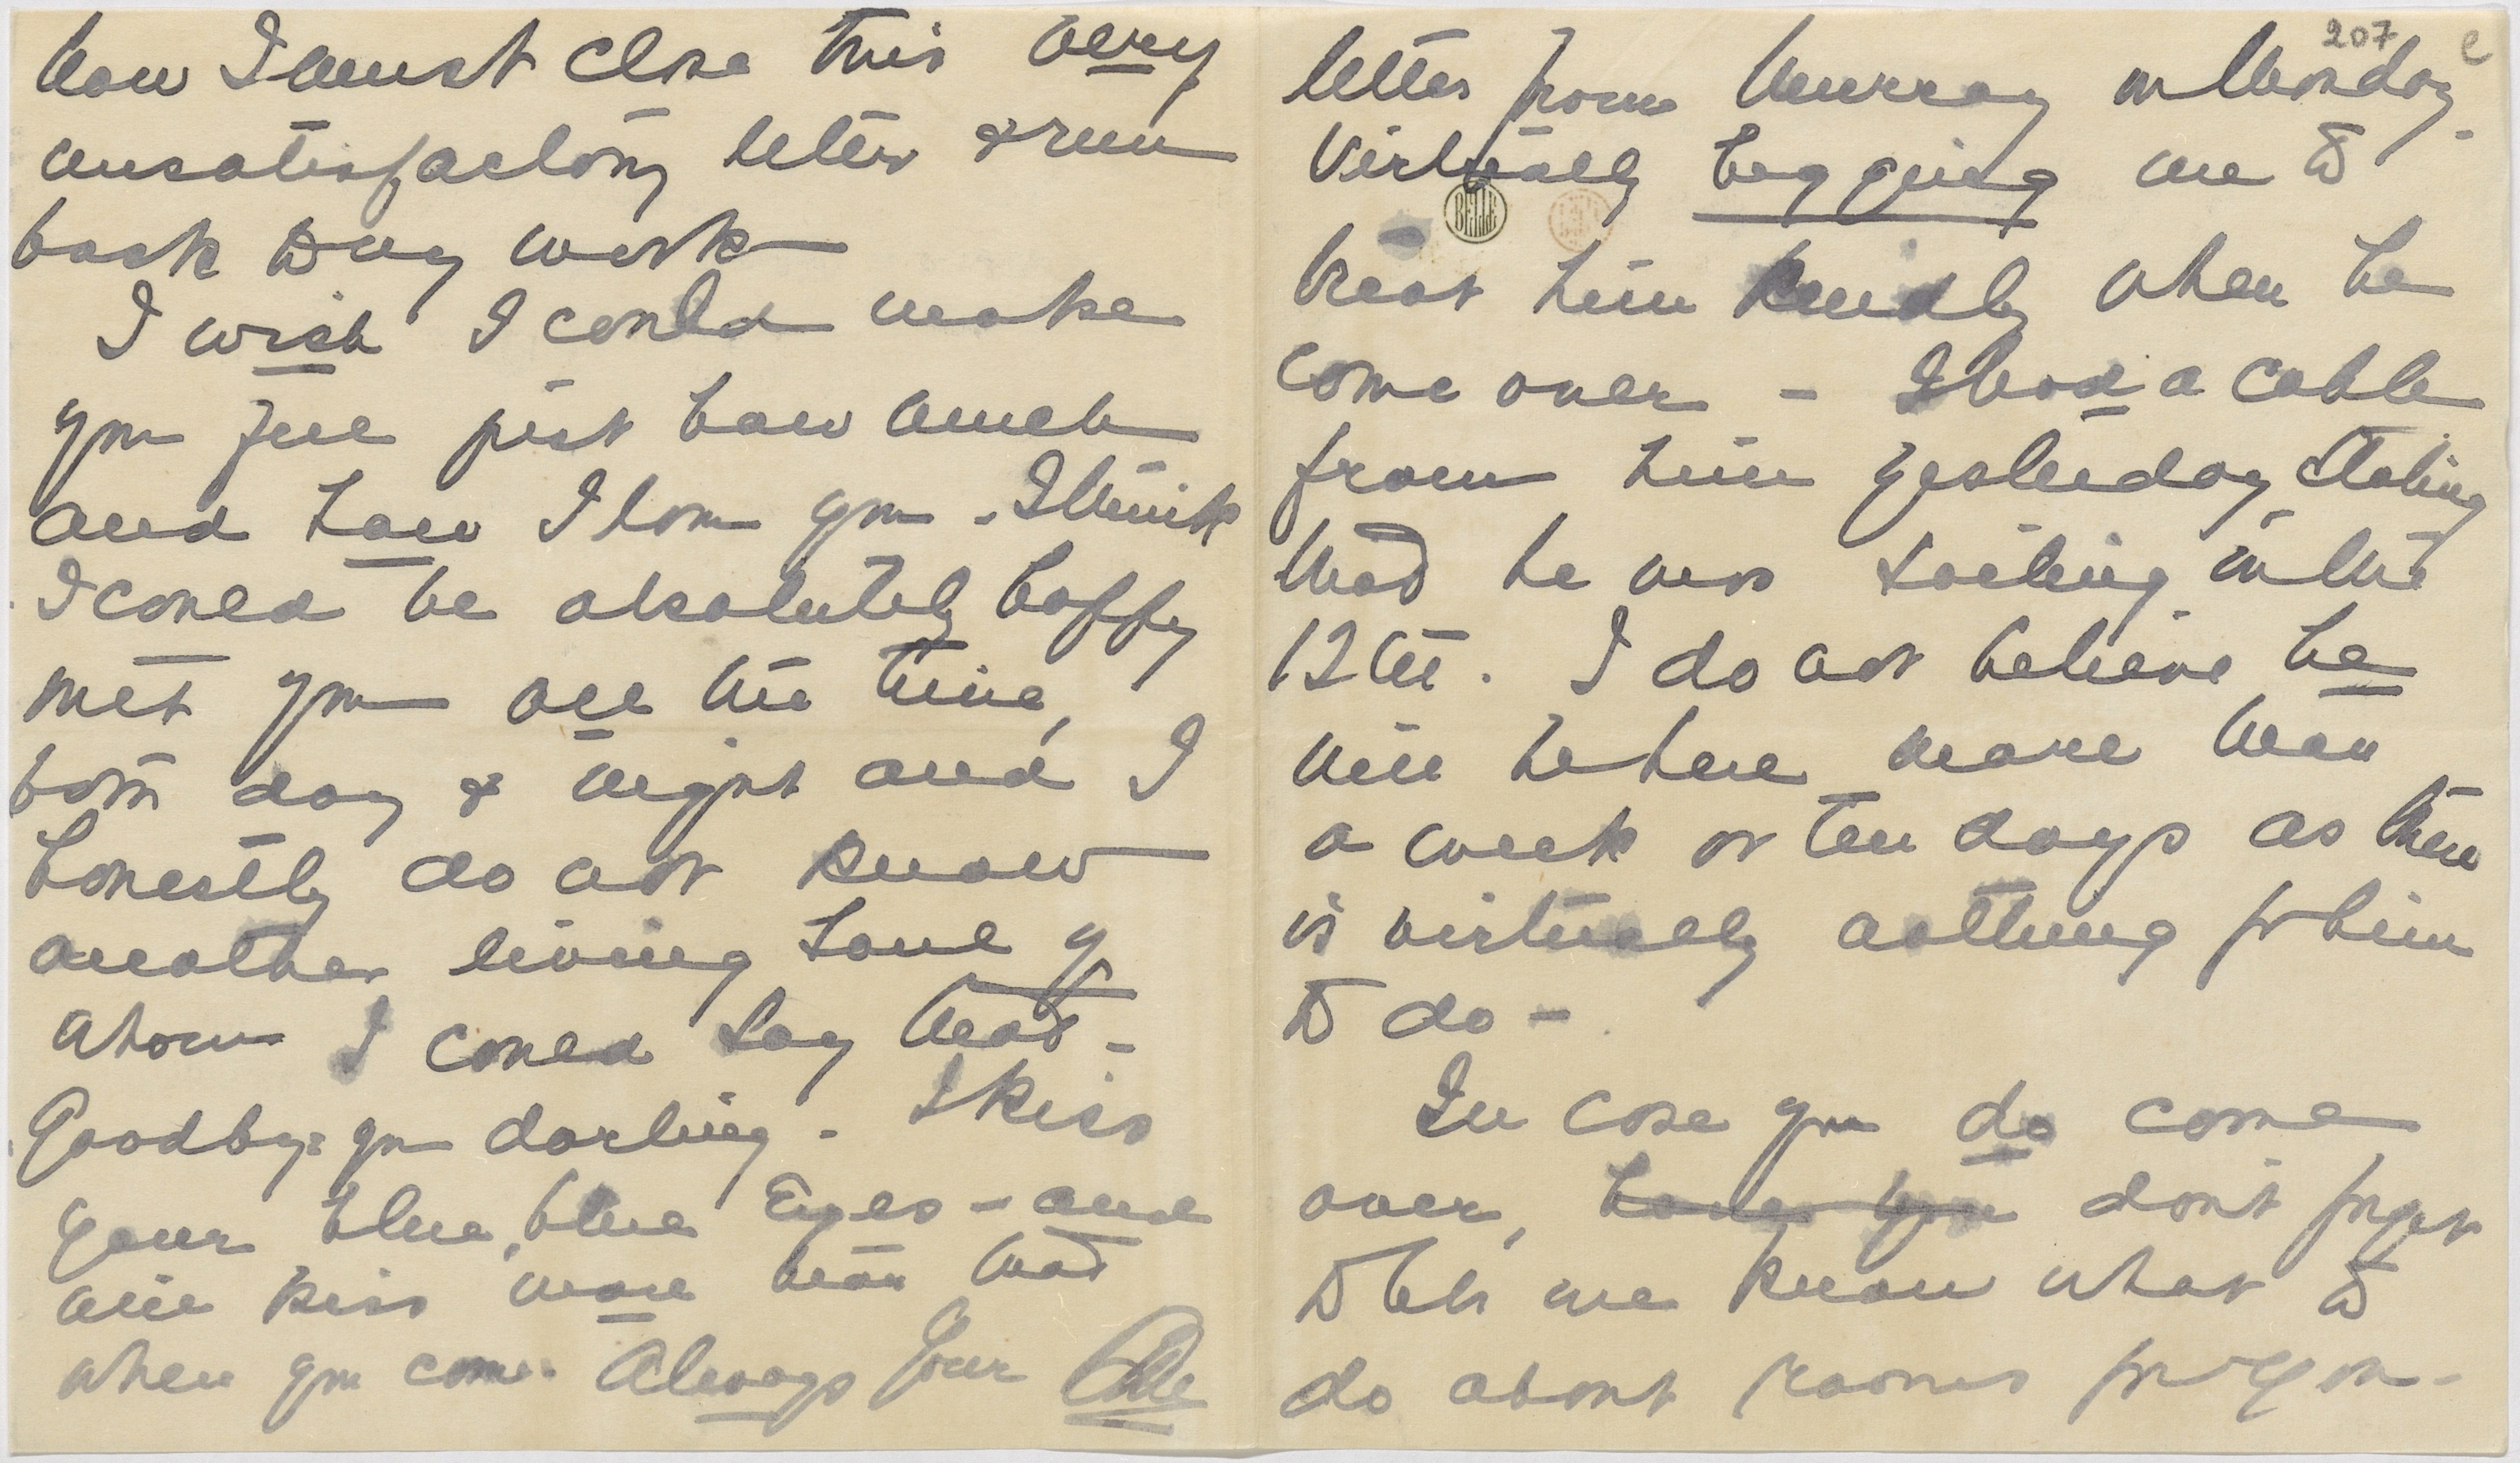letter from Murray on Monday – virtually begging me to treat him kindly when he came over – I had a cable from him yesterday, stating that he was sailing on the 12th. I do not believe he will be here more than a week or ten days as there is virtually nothing for him to do –
In case you do come over, have you don’t forget to let me know what to do about rooms for you–
Now I must close this very unsatisfactory letter & run back to my work –
I wish I could make you feel just how much and how I love you – I think I could be absolutely happy with you all the time, both day & night and I honestly do not know another living soul of whom I could say that – Goodbye you darling – I kiss your blue, blue eyes – and will kiss more than that when you come – Always Your Belle